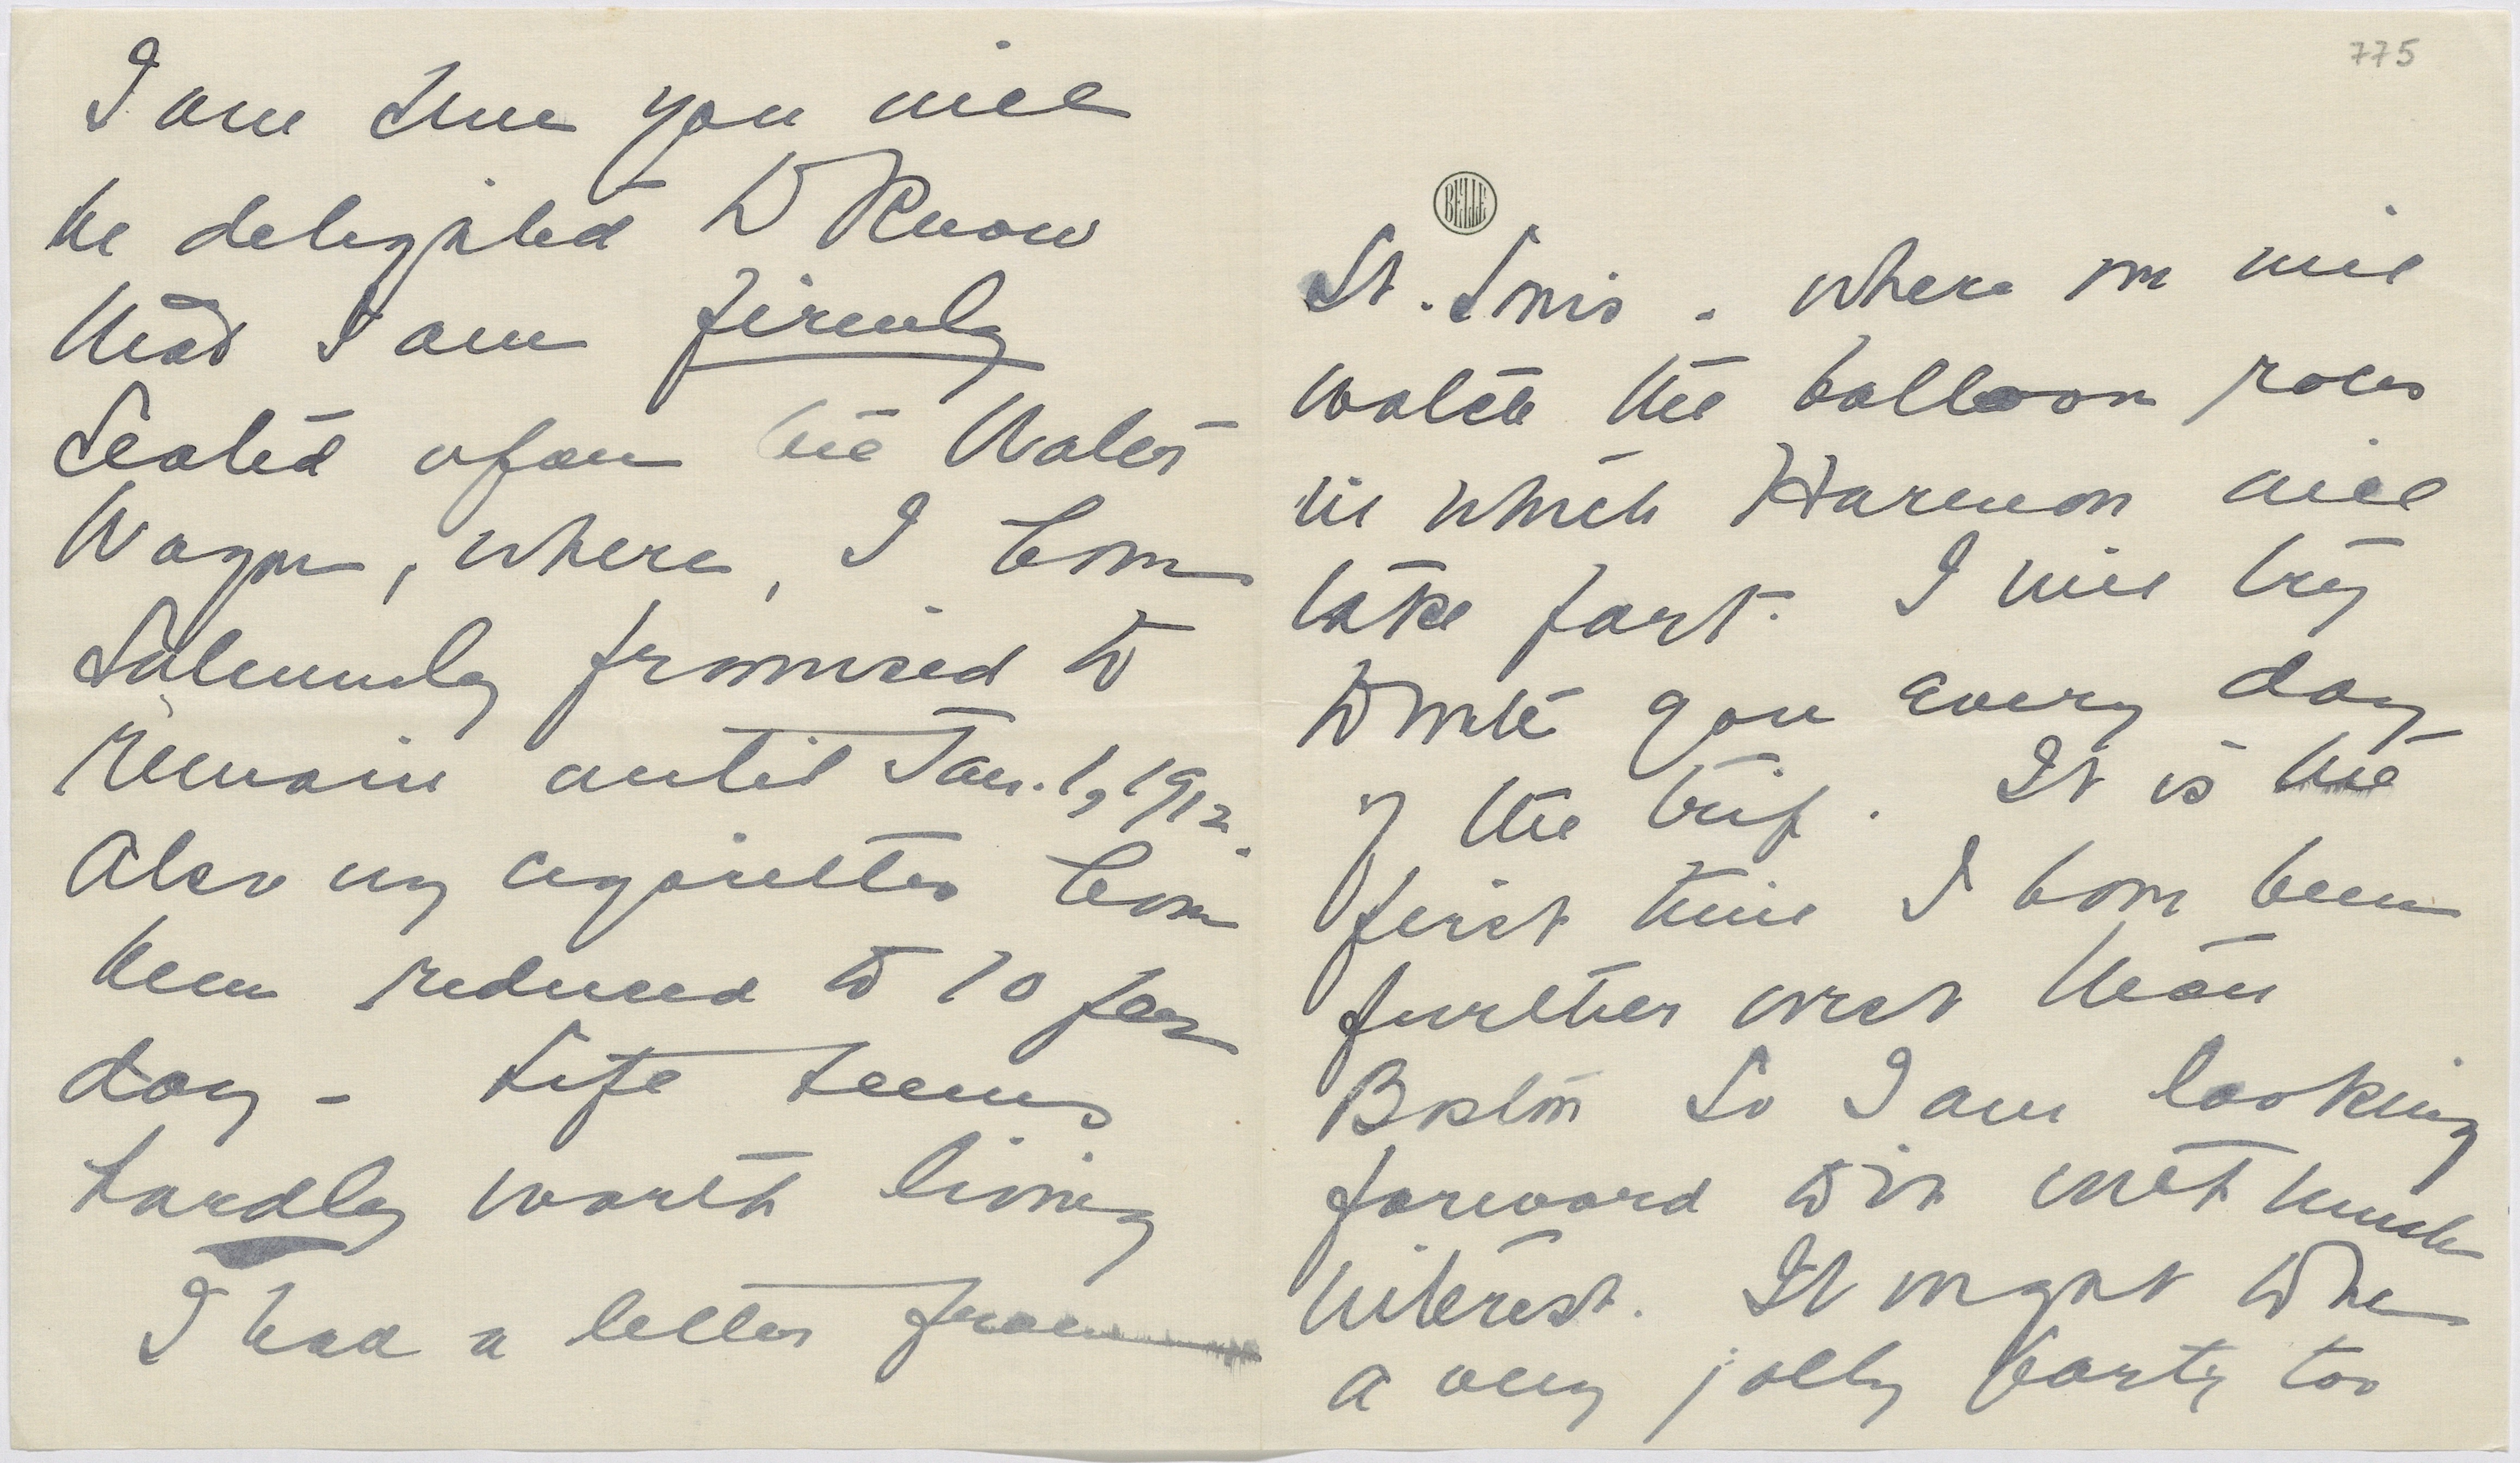St. Louis – where we will watch the balloon races in which Harmon will take part. I will try to write you every day of the trip. It is the first time I have been further west than Boston so I am looking forward to it with much interest. It ought to be a very jolly party too
I am sure you will be delighted to know that I am firmly seated upon the Water Wagon, where, I have solemnly promised to remain until Jan. 1, 1912. Also my cigarettes have been reduced to 10 per day – Life seems hardly worth living
I had a letter from